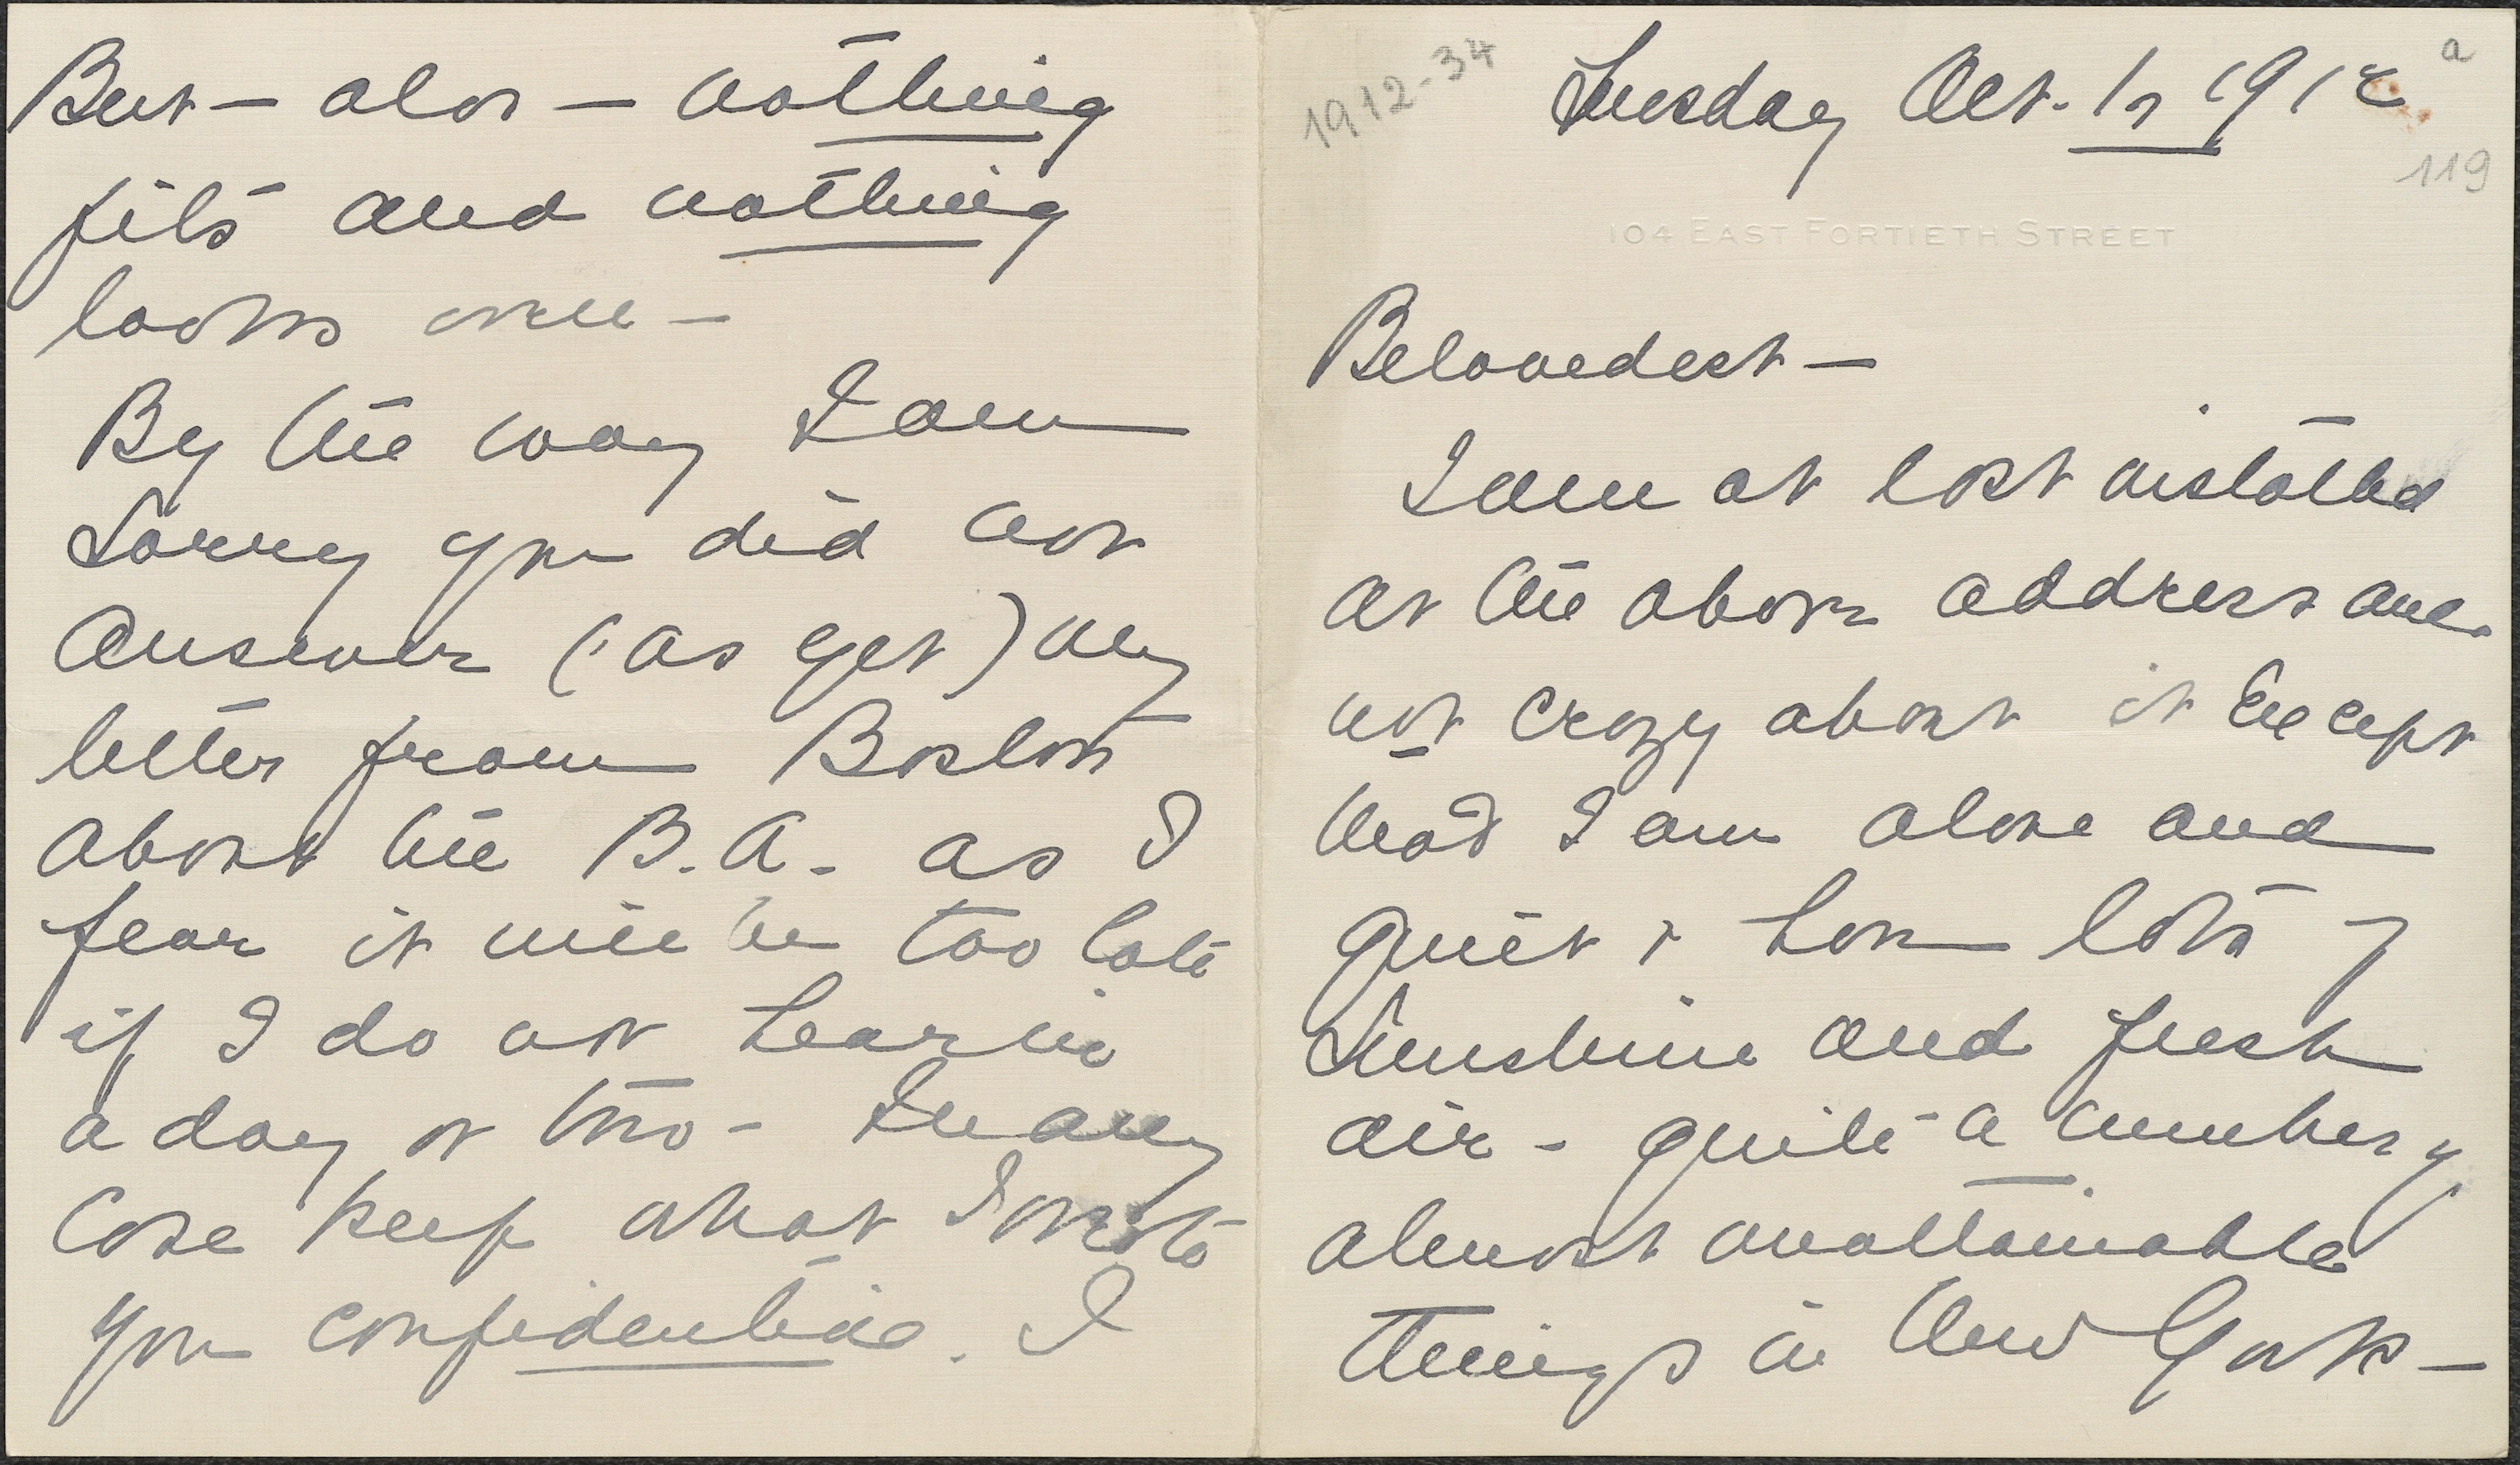Tuesday Oct. 1, 1912
Belovedest –
I am at last installed at the above address and not crazy about it except that I am alone and quiet & have lots of sunshine and fresh air – quite a number of almost unattainable things in New York –
But – alas – nothing fits and nothing looks well –
By the way I am sorry you did not answer (as yet) my letter from Boston about the B. A. as I fear it will be too late if I do not hear in a day or two – In any case keep what I wrote you confidential. I